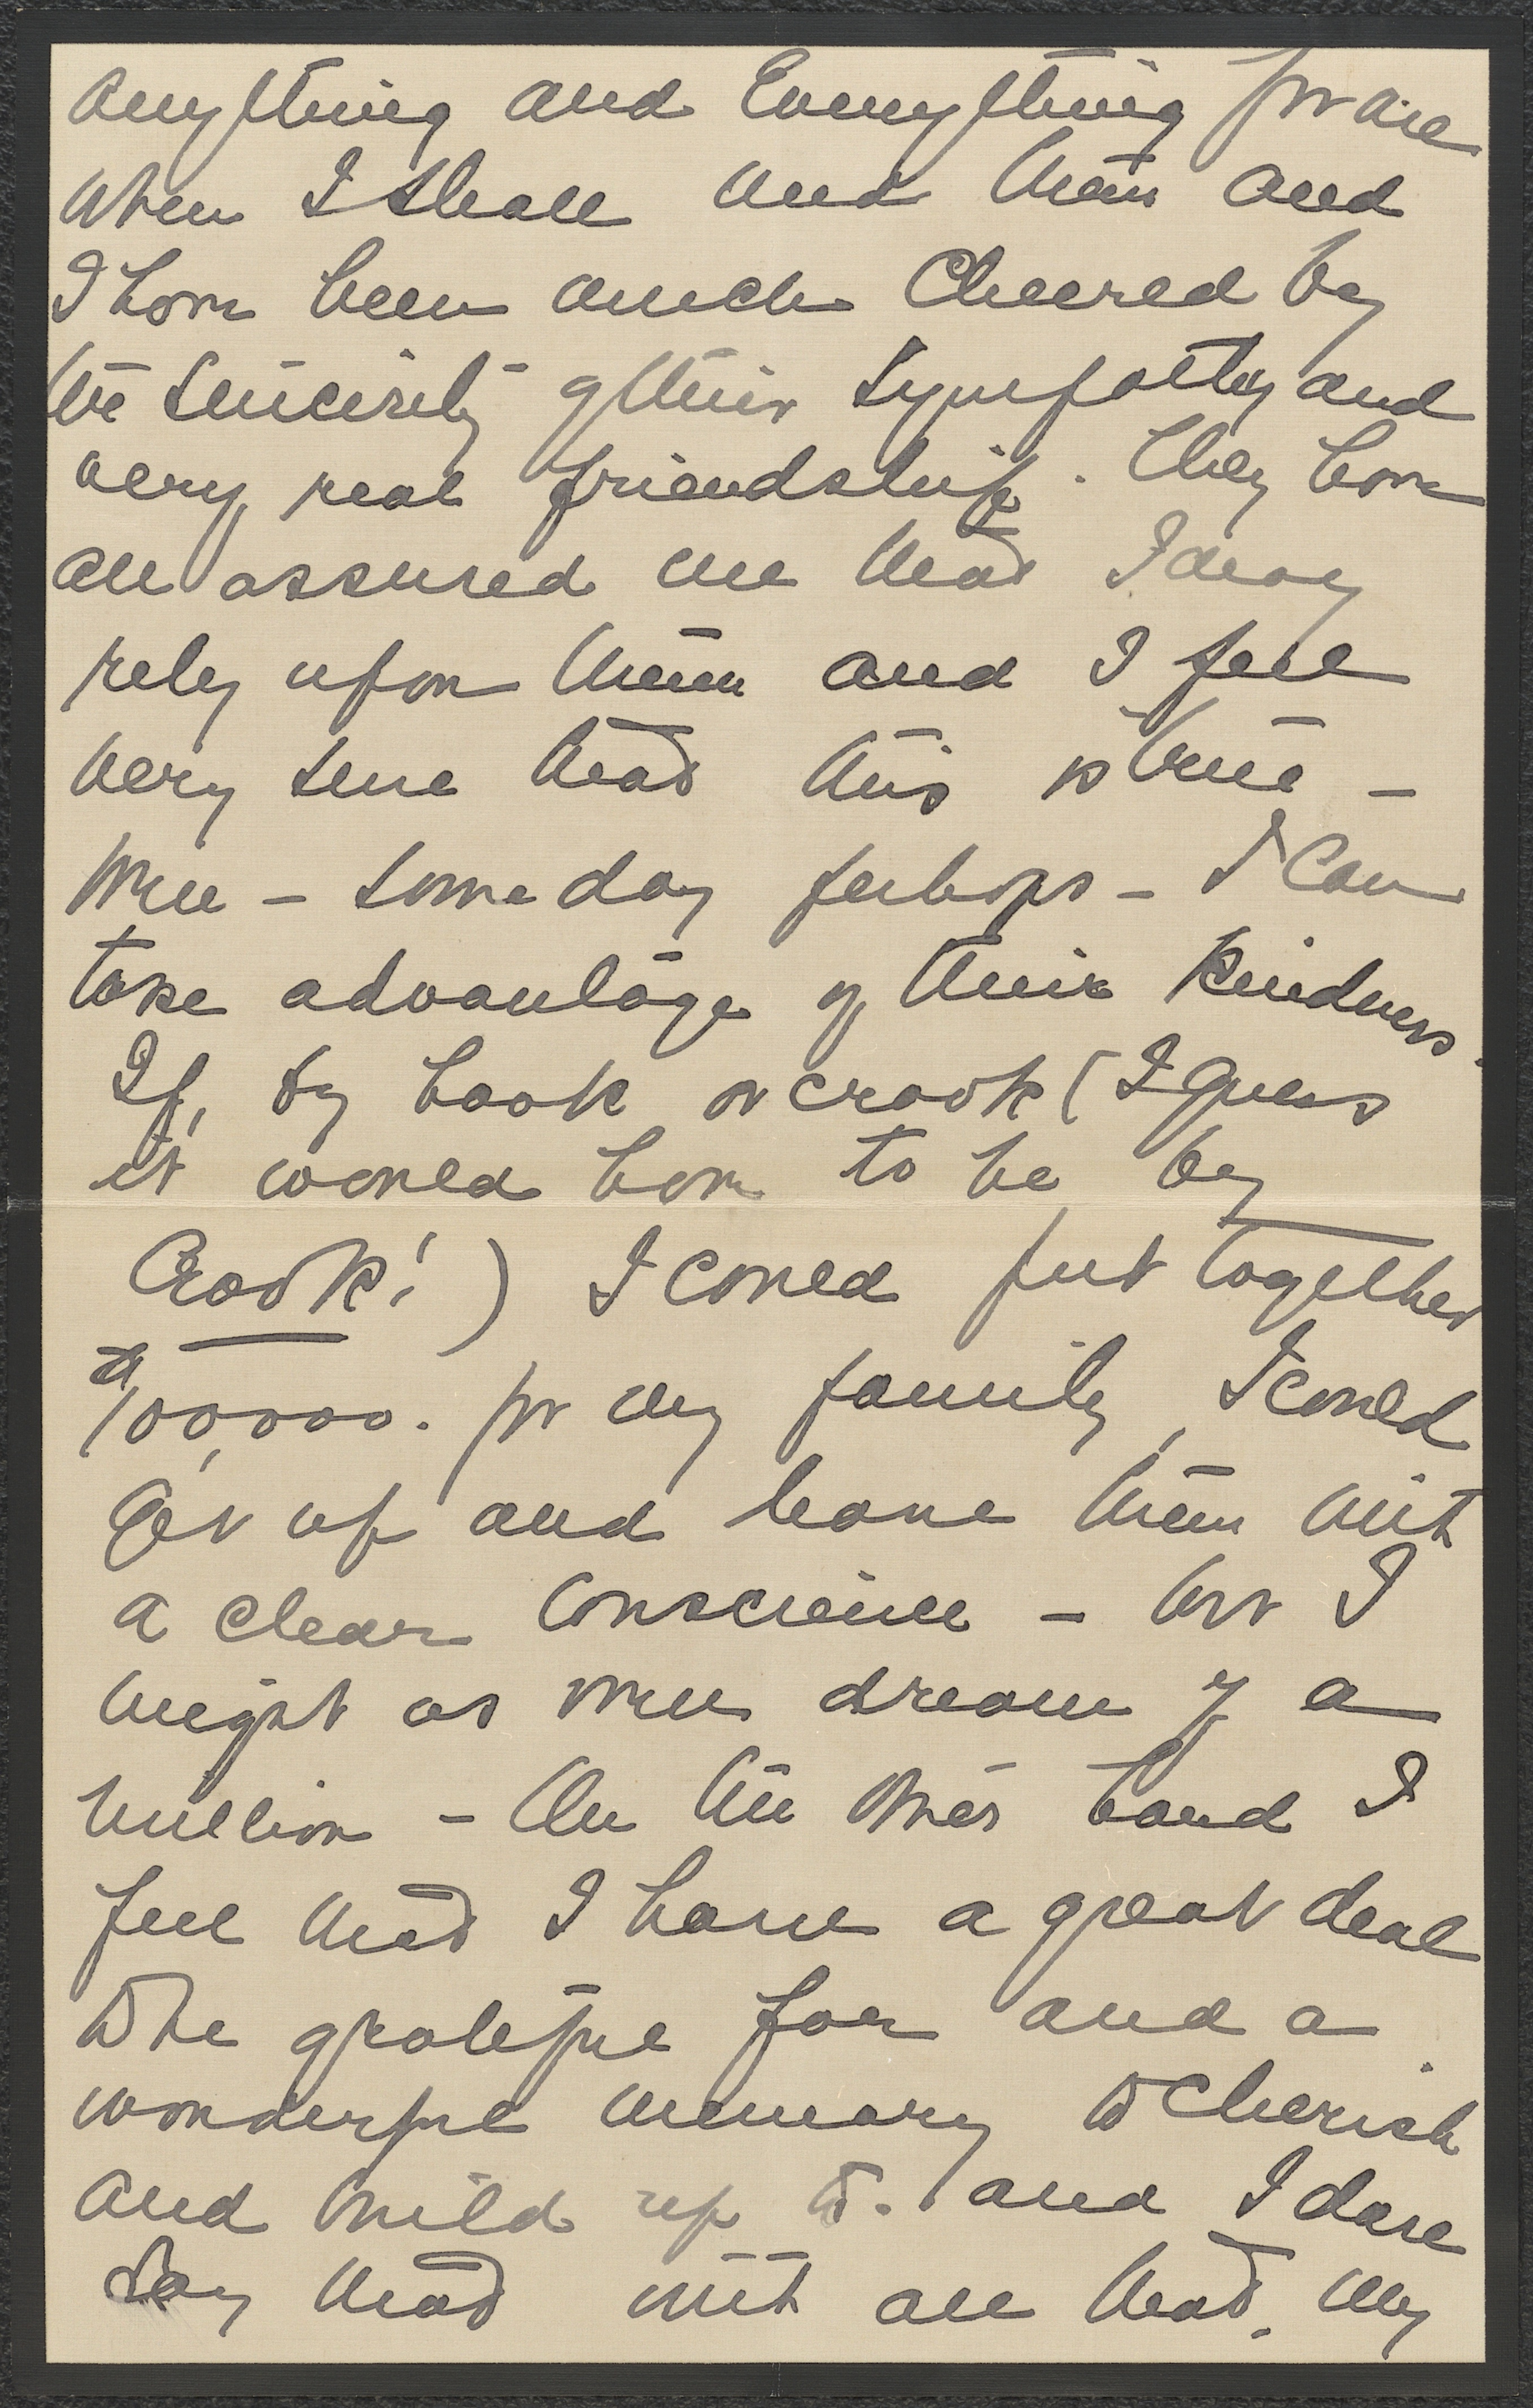anything and everything for me when I shall need them and I have been much cheered by the sincerity of their sympathy and very real friendship. They have all assured me that I may rely upon them and I feel very sure that this is true – well – someday perhaps – I can take advantage of their kindness. If, by book or crook (I guess it would have to be by crook!) I could put together $100,000. for my family, I could get up and leave them with a clear conscience – but I might as well dream of a million – on the other hand I feel that I have a great deal to be grateful for and a wonderful memory to cherish and build up to – and I dare say that with all that, my